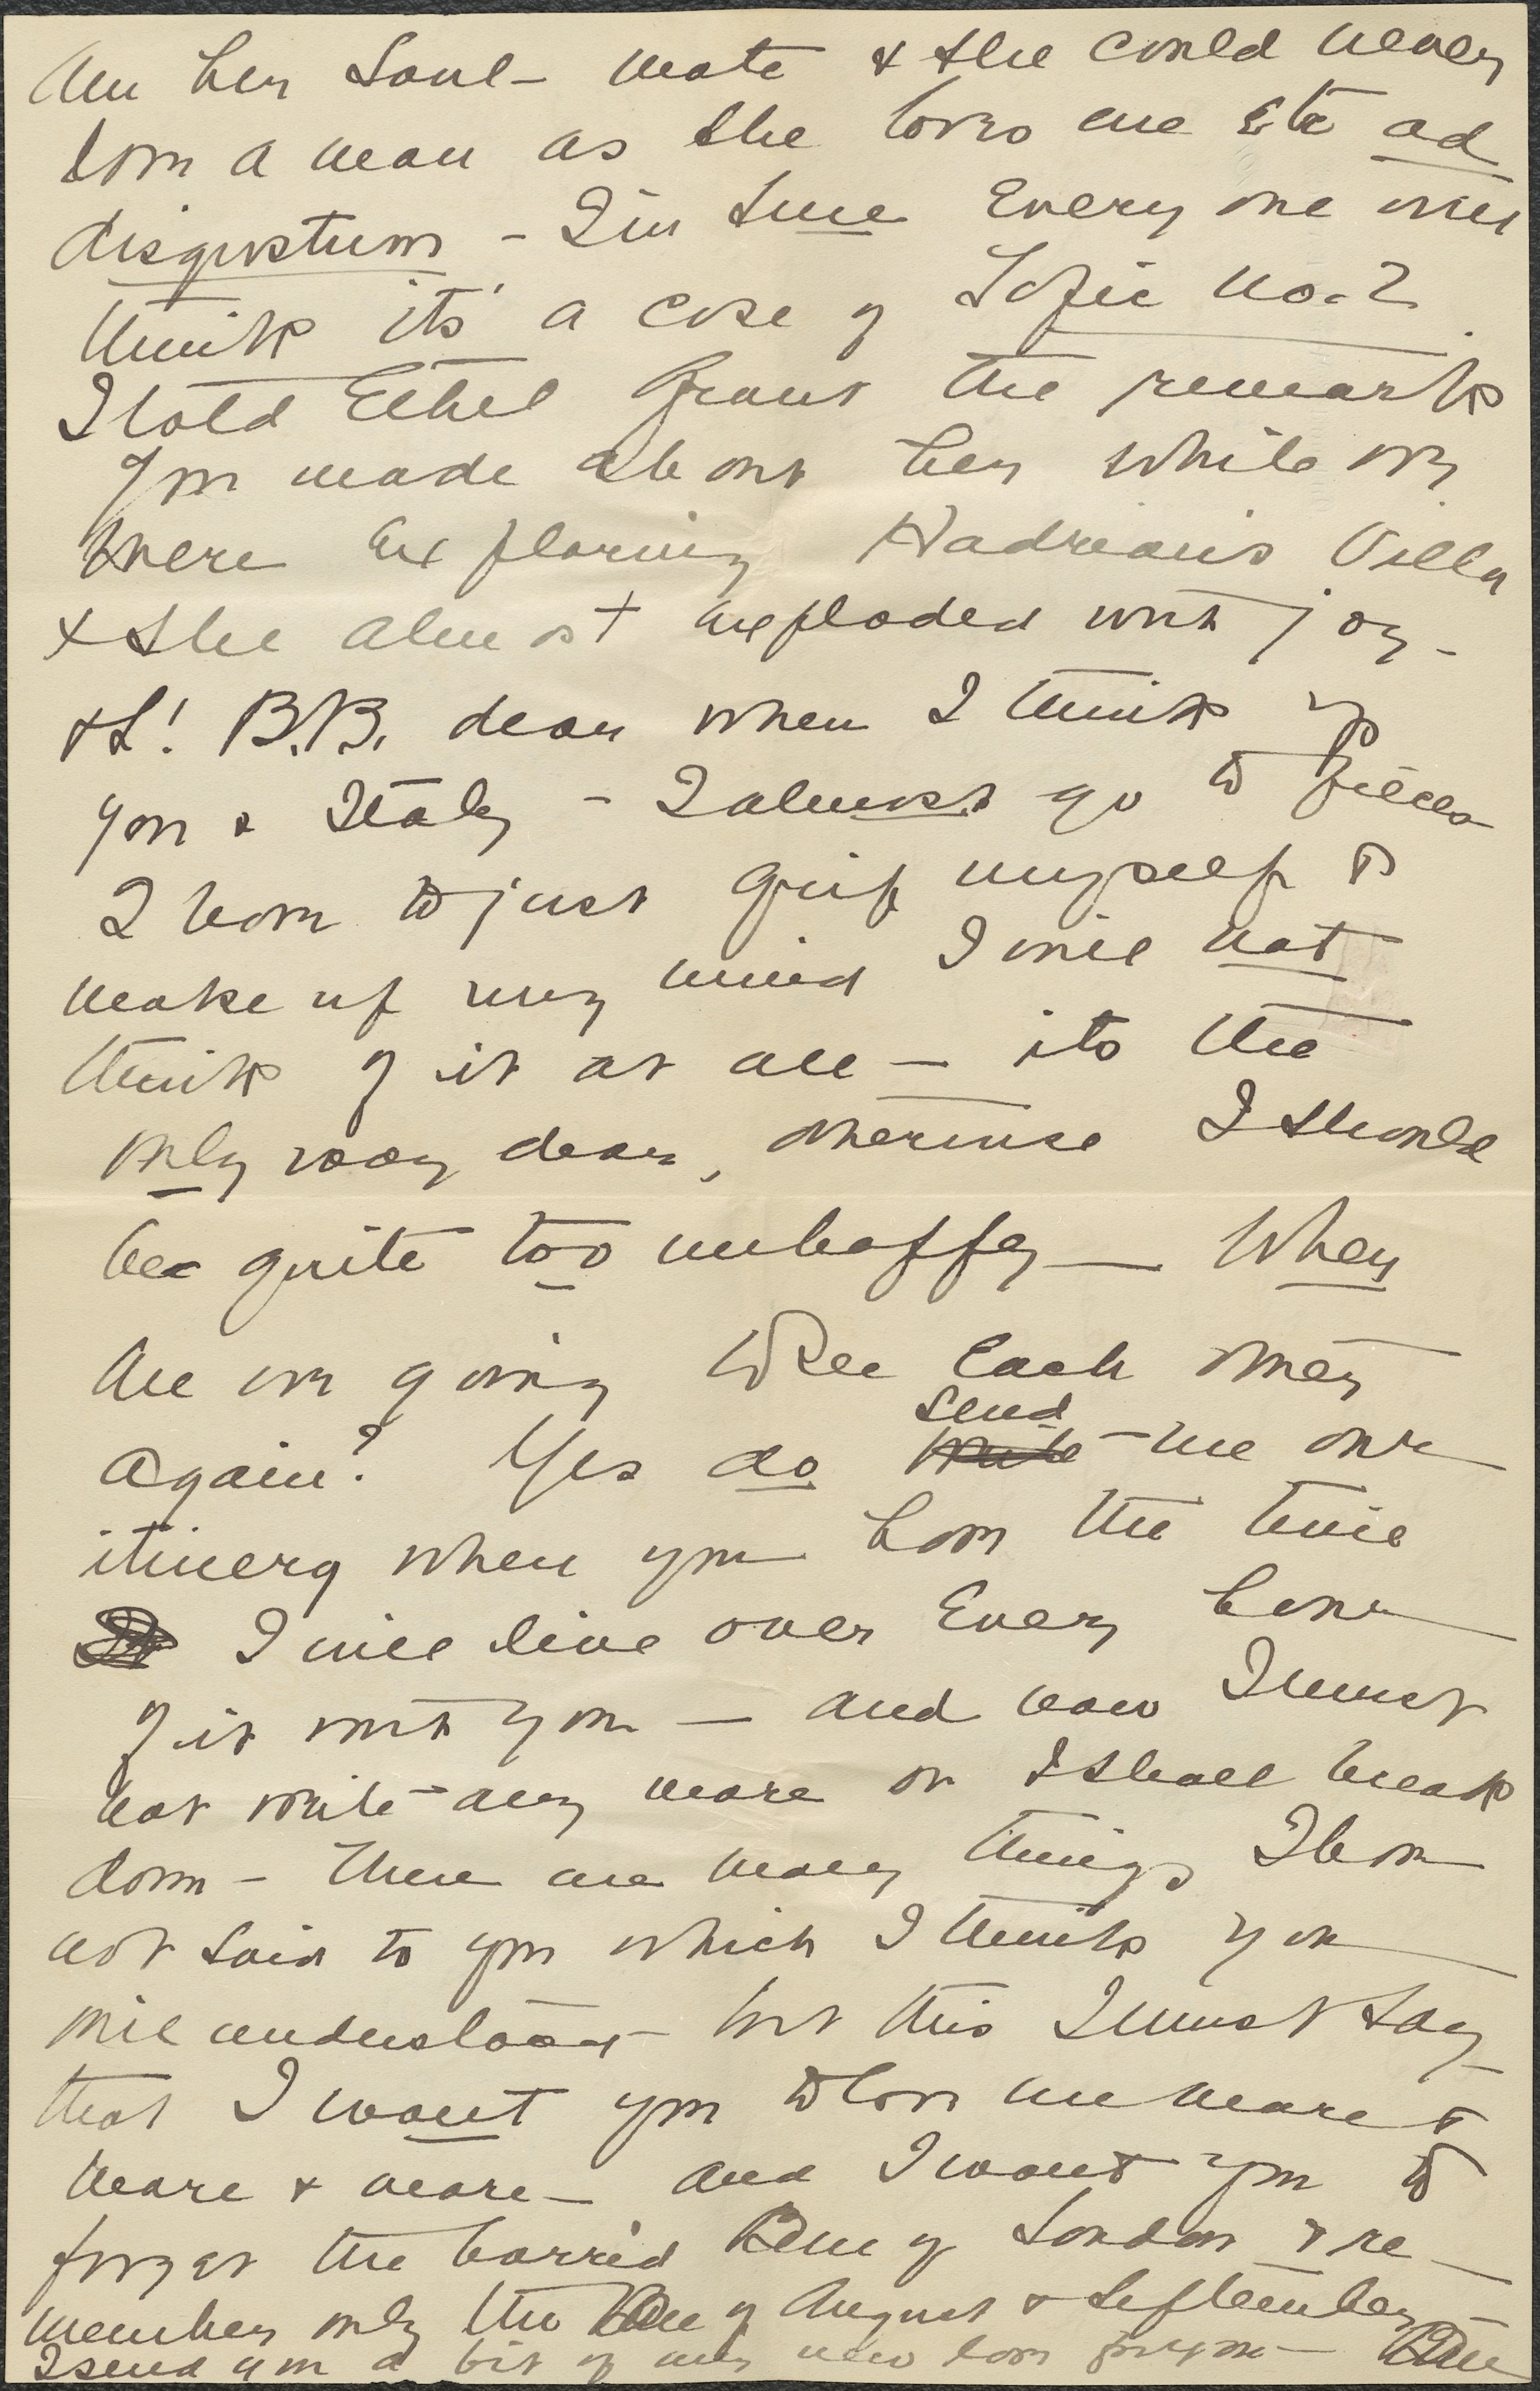am her soul-mate & she could never love a man as she loves me etc ad disgustum – I’m sure every one will think it’s a case of Topic no. 2. I told Ethel Grant the remark you made about her while we were exploring Hadrian’s Villa & she almost exploded with joy – & I! B. B. dear when I think of you & Italy – I almost go to pieces I have to just grip myself & make up my mind I will not think of it at all – its the only way dear, otherwise I should be quite too unhappy – When are we going to see each other again? Yes do write [^send^] me our itinery [sic] when you have the time It I will live over every hour of it with you – and now I must not write any more or I shall break down – There are many things I have not said to you which I think you will understand – but this I must say – that I want you to love me more & more & more – and I want you to forget the horrid Belle of London & remember only the Belle of August & September – I send you a bit of my new love for you – Belle